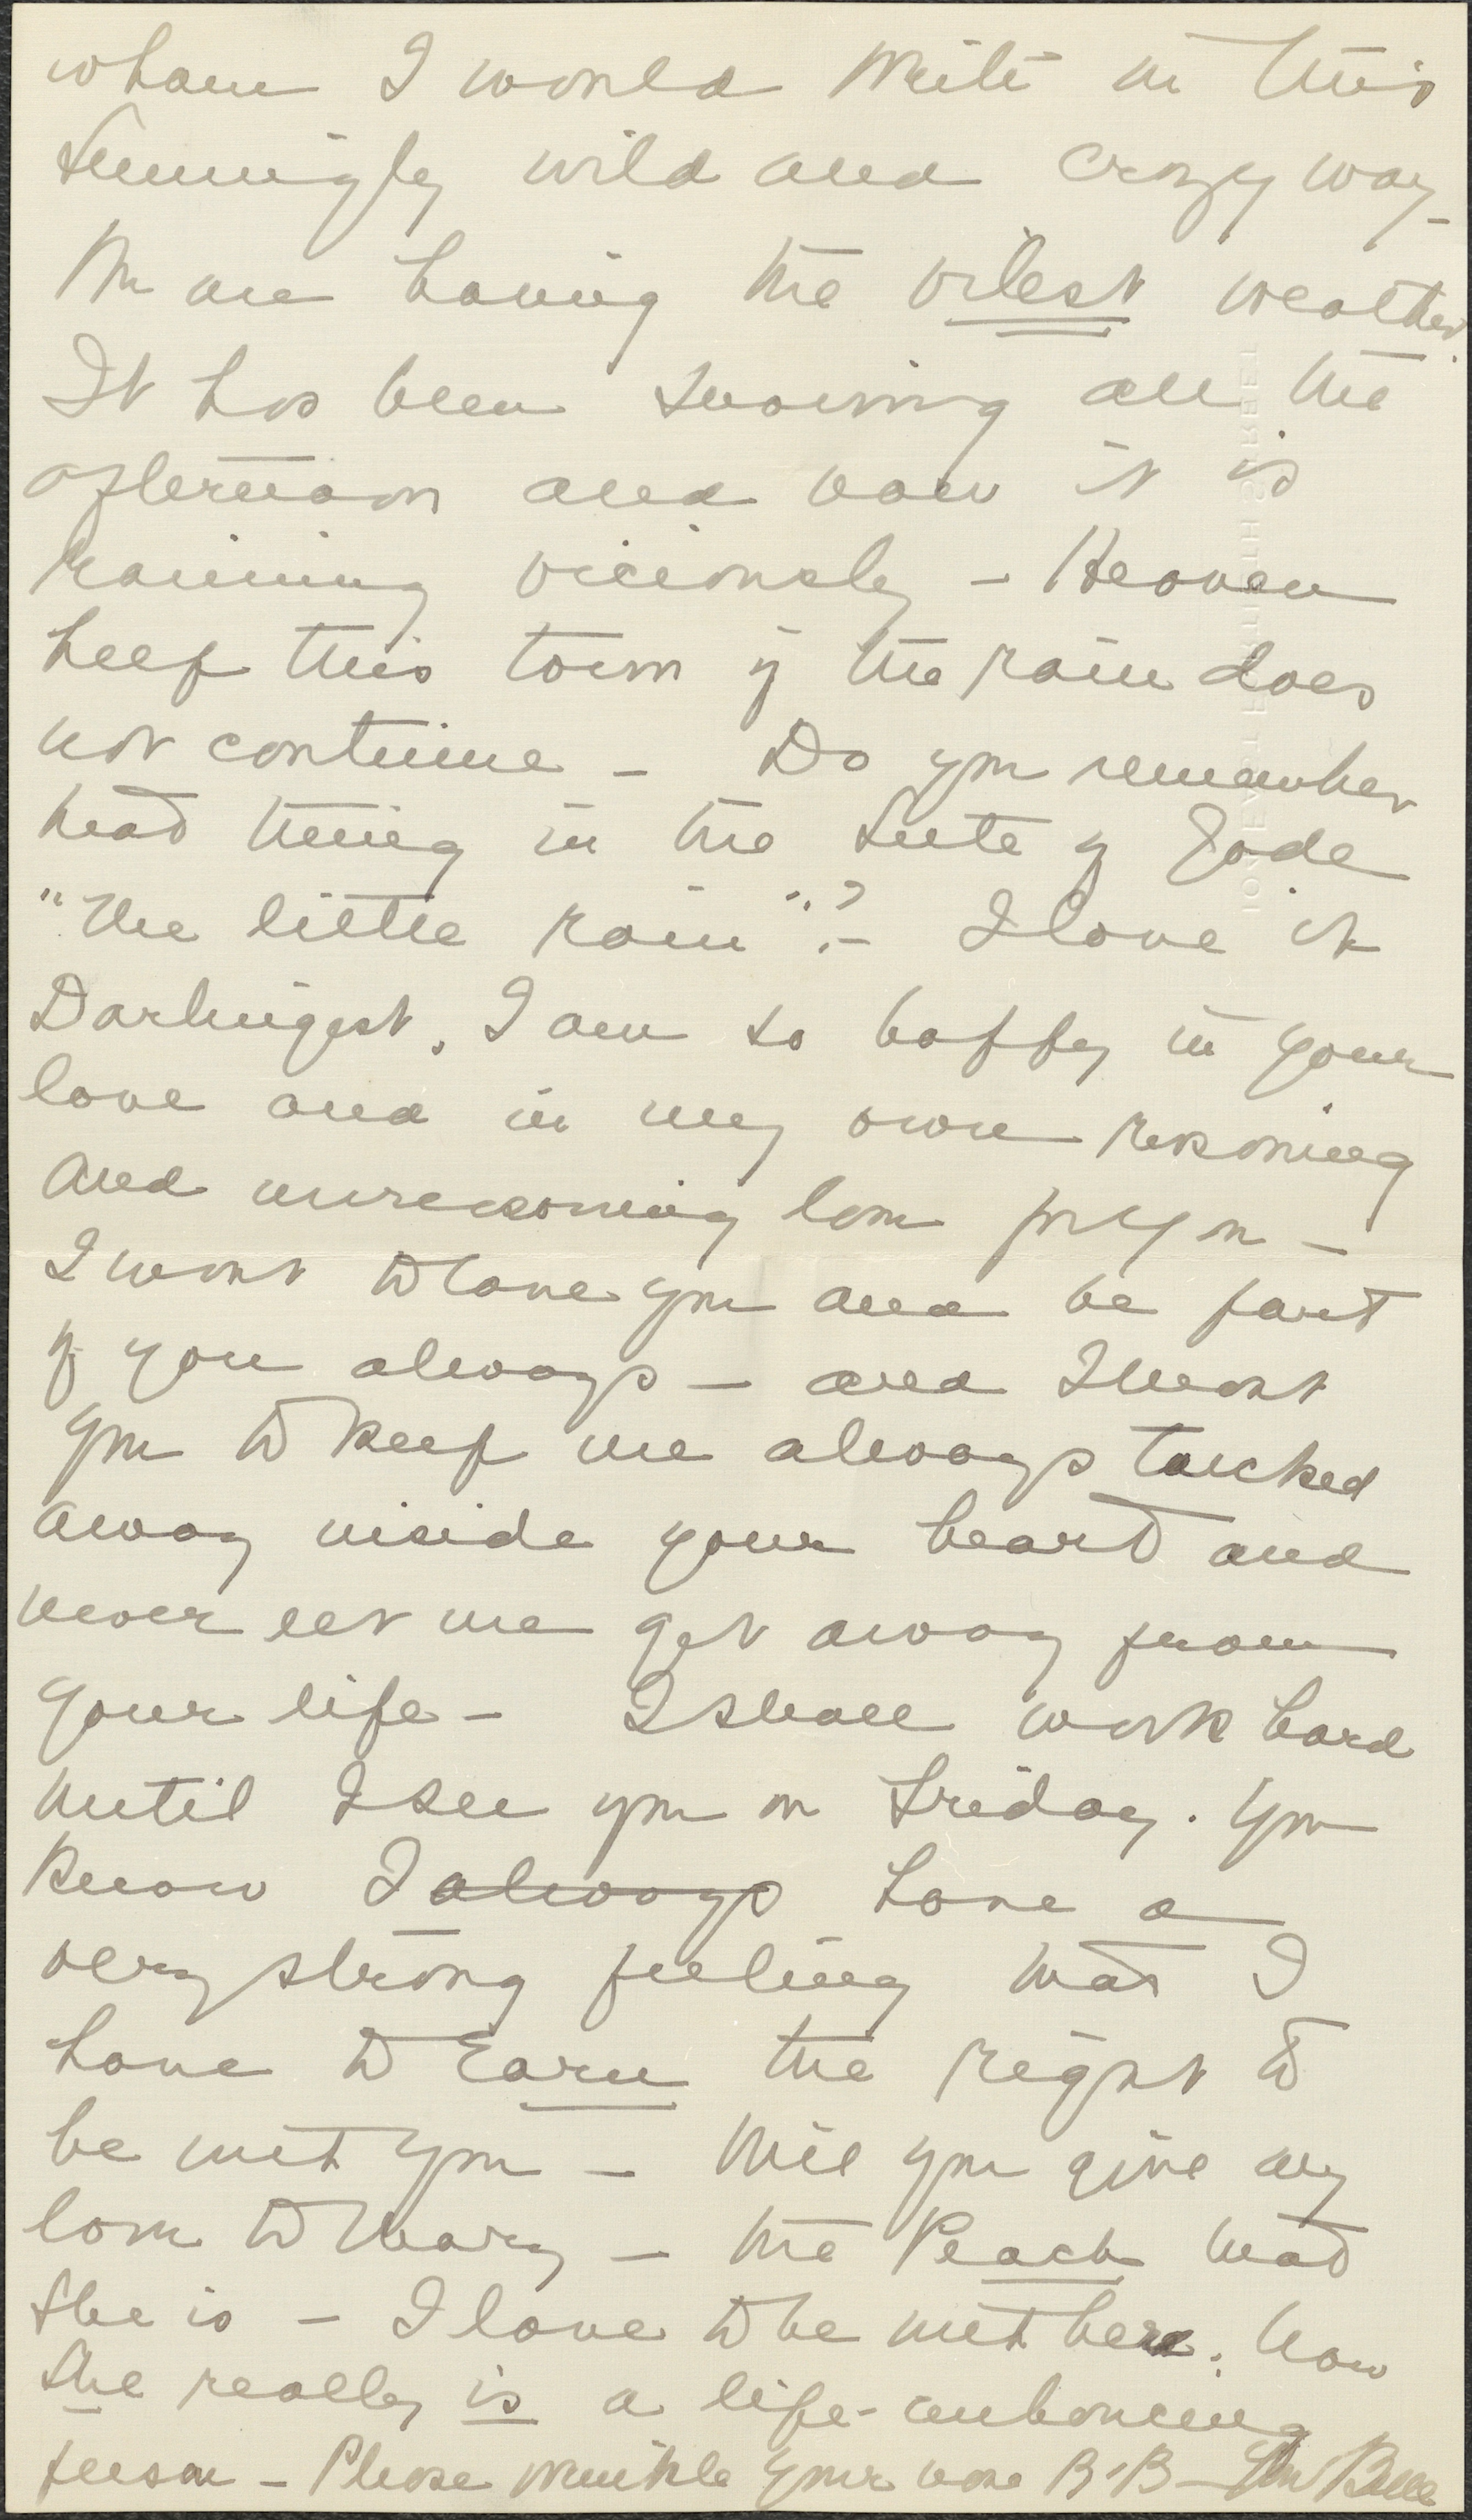whom I would write in this seemingly wild and crazy way – we are having the [double underlined: vilest] weather. It has been snowing all the afternoon and now it is raining viciously – Heaven help this town if the rain does not continue – Do you remember that thing in the Lute of Jade “The little rain”? – I love it Darlingest. I am so happy in your love and in my own reasoning and unreasoning love for you – I want to love you and be part of you always – and I want you to keep me always tucked away inside your heart and never let me get away from your life – I shall work hard until I see you on Friday. You know I always have a very strong feeling that I have to earn the right to be with you – will you give my love to Mary – the [double underlined: Peach] that she is – I love to be with her. Now she really is a life-enhancing person – Please wrinkle your nose B.B. – Your Belle